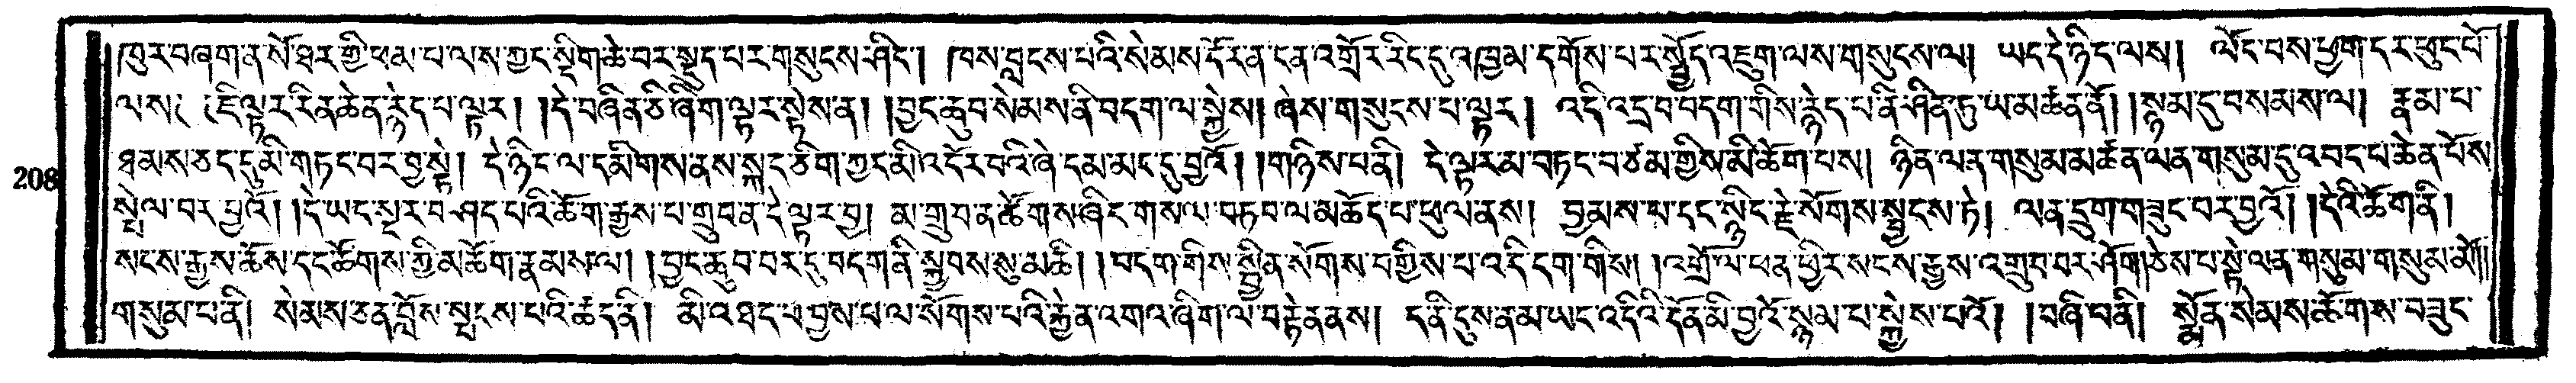ཁུར་བཞག་ན་སོ་ཐར་གྱི་ཕམ་པ་ལས་ཀྱང་སྡིག་ཆེ་བར་སྡུད་པར་གསུངས་ཤིང་། ཁས་བླངས་པའི་སེམས་དོར་ན་ངན་འགྲོར་རིང་དུ་འཁྱམ་དགོས་པར་སྤྱོད་འཇུག་ལས་གསུངས་ལ། ཡང་དེ་ཉིད་ལས། ལོང་བས་ཕྱག་དར་ཕུང་པོ་
ལས༑ ༑ཇི་ལྟར་རིན་ཆེན་རྙེད་པ་ལྟར། །དེ་བཞིན་ཅི་ཞིག་ལྟར་སྟེས་ན། །བྱང་ཆུབ་སེམས་ནི་བདག་ལ་སྐྱེས། ཞེས་གསུངས་པ་ལྟར། འདི་འདྲ་བ་བདག་གིས་རྙེད་པ་ནི་ཤིན་ཏུ་ཡ་མཚན་ནོ། །སྙམ་དུ་བསམས་ལ། རྣམ་པ་
ཐམས་ཅད་དུ་མི་གཏང་བར་བྱ་སྟེ། དེ་ཉིད་ལ་དམིགས་ནས་སྐད་ཅིག་ཀྱང་མི་འདོར་བའི་ཞེ་དམ་མང་དུ་བྱའོ། །གཉིས་པ་ནི། དེ་ལྟར་མ་བཏང་བ་ཙམ་གྱིས་མི་ཆོག་པས། ཉིན་ལན་གསུམ་མཚན་ལན་གསུམ་དུ་འབད་པ་ཆེན་པོས་
སྤེལ་བར་བྱའོ། །དེ་ཡང་སྔར་བཤད་པའི་ཆོ་ག་རྒྱས་པ་གྲུབ་ན་དེ་ལྟར་བྱ། མ་གྲུབ་ན་ཚོགས་ཞིང་གསལ་བཏབ་ལ་མཆོད་པ་ཕུལ་ནས། བྱམས་པ་དང་སྙིང་རྗེ་སོགས་སྦྱངས་ཏེ། ལན་དྲུག་གཟུང་བར་བྱའོ། །དེའི་ཆོག་ནི་
སངས་རྒྱས་ཆོས་དང་ཚོགས་ཀྱི་མཆོག་རྣམས་ལ། །བྱང་ཆུབ་བར་དུ་བདག་ནི་སྐྱབས་སུ་མཆི། །བདག་གིས་སྦྱིན་སོགས་བགྱིས་པ་འདི་དག་གིས། འགྲོལ་ཕན་ཕྱིར་སངས་རྒྱས་འགྲུབ་པར་ཤོག། ཅེས་པ་སྟེ་ལན་གསུམ་གསུམ་མོ།།
གསུམ་པ་ནི། སེམས་ཅན་བློས་སྤངས་པའི་ཚད་ནི། མི་འཐད་པ་བྱས་པ་ལ་སོགས་པའི་རྐྱེན་འགའ་ཞིག་ལ་བརྟེན་ནས། ད་ནི་དུས་ནམ་ཡང་འདིའི་དོན་མི་བྱའོ་སྙམ་པ་སྐྱེས་པའོ། །བཞི་པ་ནི། སྨོན་སེམས་ཆོ་གས་བཟུང་